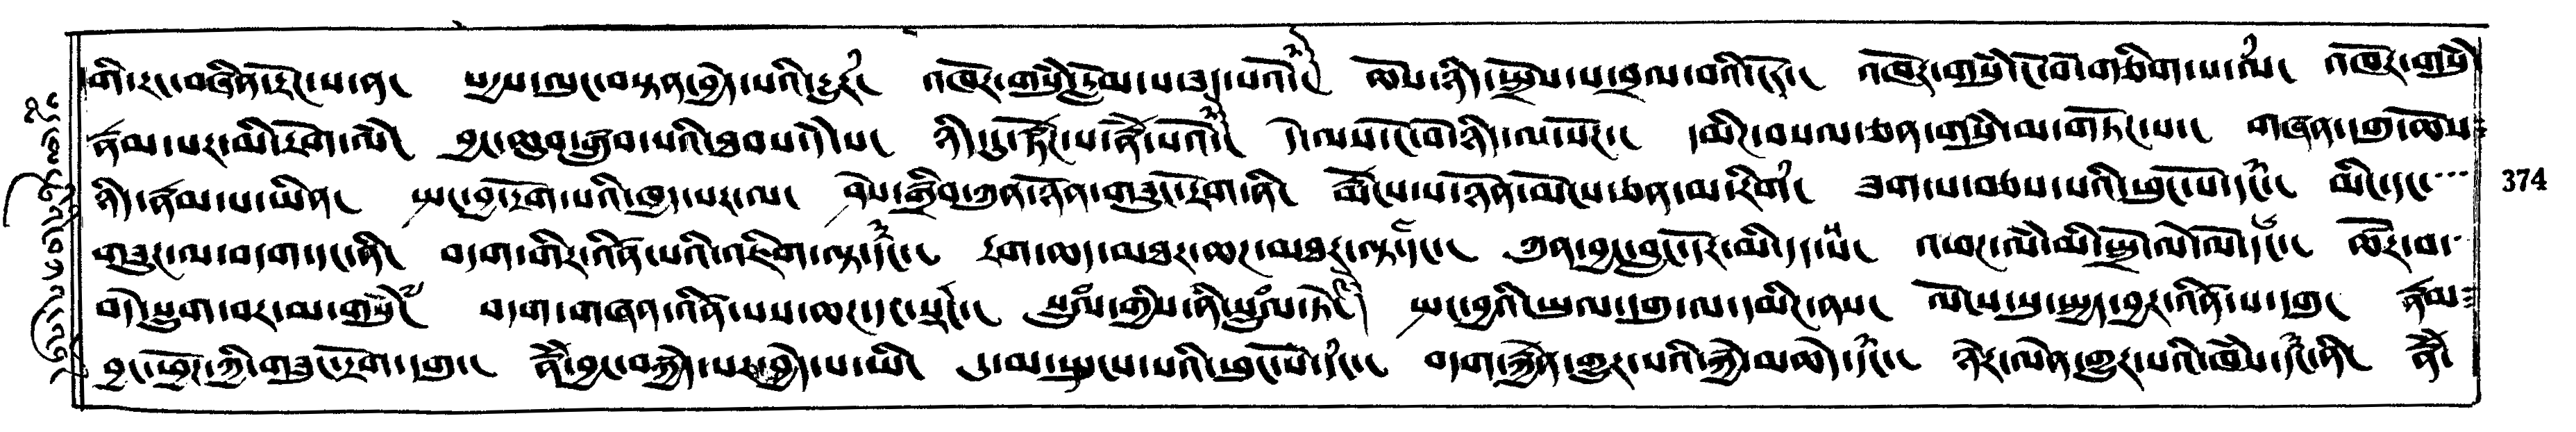གི་རང་བཞིན་རྟོགས་པ་ན། །སངས་རྒྱས་ལུང་བསྟན་བྱེད་པའི་རྒྱུར། །འཁོར་གསུམ་རློམས་པ་ཟད་པའོ། །ཆོས་ཉིད་སྤྲོས་པ་བྲལ་བའི་ངོར། །འཁོར་གསུམ་ངོ་བོ་གཅིག་པ་ལ། །འཁོར་གསུམ་
རྣམ་པར་མི་རྟོག་ལམ། །བྱང་ཆུབ་སྒྲུབ་པའི་ཐབས་དམ་པ། །ཉིད་དུ་རྟོགས་པ་རྣམ་པའོ། །དེ་ལས་ངོ་བོ་ཉིད་ལ་སོགས། །དམིགས་བསལ་ཅན་གསུམ་མ་གཏོགས་པ། །གཞན་དགུ་ཆོས་
ཉིད་རྣམ་པ་ཡིན། །སྤང་བྱ་རྟོགས་པའི་ཁྱད་པར་ལ། །ཤེས་སྒྲིབ་ཀུན་ཉོན་གཟུང་རྟོག་ནི། །རྨོངས་པ་ཉོན་མོངས་ཅན་མ་རིག།ཟག་པ་བཅས་པའི་ཕུང་པོ་དང་། །མིང་དང་
གཟུགས་ལ་བདག་དང་ནི། །བདག་གིར་འཛིན་པའི་འཇིག་ལྟ་དང་། །རྟག་ཆད་མཐར་ཆགས་མཐར་ལྟ་དང་། །ཀུན་བྱང་བླང་དོར་མི་དད་པ། །འཕགས་ལམ་མི་སྤྲོ་ལེ་ལོ་དང་། །ཚོར་བ་
བདེ་སྡུག་བར་མ་གསུམ། །བདག་གཞན་འཛིན་པས་ཆགས་དང་སྡང་། །སྡུག་བསྔལ་གྱིས་ནི་སྡུག་བསྔལ་ཏེ། །སྤང་བྱའི་ཡུལ་དགུ་ལ་དམིགས་ནས། །ལོངས་སུ་སྤྱད་བྱར་འཛིན་པ་དགུ རྣམ་
བྱང་ཕྱོགས་ཀྱི་གཟུང་རྟོག་དགུ། །རྣམ་བྱང་བསྐྱེད་པར་བྱེད་པ་ཡི། །དུ་མ་སྤུངས་པའི་ཕུང་པོ་དང་། །བདག་རྐྱེན་གྱུར་པའི་སྐྱེ་མཆེད་དང་། །ཉེར་ལེན་གྱུར་པའི་ཁམས་དང་ནི། །རྣམ་